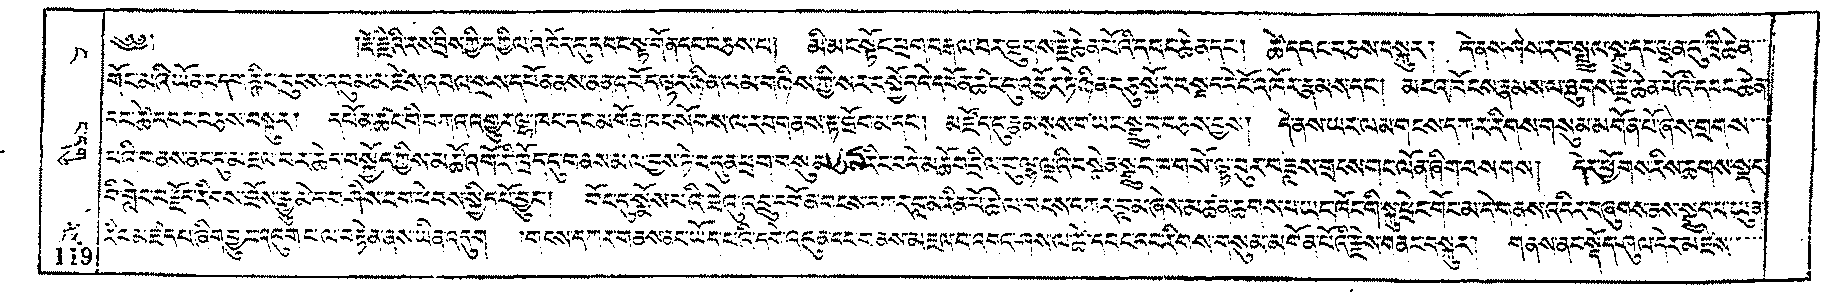༄༅། །རྡོ་རྗེའི་རས་བྲིས་ཀྱི་དཀྱིལ་འཁོར་དུ་དབང་སྟ་གོན་དང་བཅས་པ། མི་མང་སྟོང་ཕྲག་བརྒལ་བར་ཐུགས་རྗེ་ཆེན་པོའི་དབང་ཆེན་དང་། ཚེ་དབང་བཅས་བསྐུར། དེ་ནས་ཤེས་རབ་སྤྲུལ་སྐུ་དང་ལྷན་དུ་ཁྲི་ཆེན་
གོང་མའི་ཡོན་བདག་རྙིང་ཁུངས་འབུམ་མཛེས་འབལ་སྲས་དཔོན་ནས་ནན་འབོད་ལྟར་ཉིན་ལམ་གཉིས་ཀྱི་སར་བསྐྱོད་དེ་དཔོན་ཚང་དུ་འབྱོར་ཏེ་ཉིན་བཅུ་སྐོར་བསྡད་དེ་ངོ་འཁོར་རྣམས་དང་། མངའ་ཁོངས་རྣམས་ལ་ཐུགས་རྗེ་ཆེན་པོའི་དབང་ཆེན་
དང་ཚེ་དབང་བཅས་བསྐུར། དཔོན་ཚང་གི་བཀའ་འགྱུར་ལྷ་ཁང་དང་མགོན་ཁང་སོགས་ལ་རབ་གནས་རྟ་ཐོག་མ་དང་། མཛོད་དུ་རྣམ་སྲས་གཡང་སྒྲུབ་བཅས་བྱས། དེ་ནས་ཡར་ལམ་གངས་དཀར་རིགས་གསུམ་མགོན་པོ་ཞེས་གྲགས་
པའི་གནས་ནང་དུ་མཇལ་བར་ཆེད་བསྐྱོད་ཀྱིས་མཚོ་འགོ་རི་ཁྲོད་དུ་གནས་མལ་བྱས་ཏེ་བདུན་ཕྲག་གསུམ་རིང་བདེ་མཆོག་དྲིལ་བུ་ལྷ་ལྔའི་བསྙེན་སྒྲུབ་ཁ་གསོ་ལྟ་བུར་བཟླས་གྲངས་གང་ལོན་ཞིག་བསགས། དེར་ཕྱོགས་རིས་ཆགས་སྡང་
གི་གླེང་བརྗོད་རིགས་ཐོས་རྒྱུ་མེད་གཤིས་བག་ཕེབས་སྐྱིད་པོ་བྱུང་། གོང་དུ་སྨོས་པའི་ཟེའུ་འབྲུ་དགོན་གངས་དཀར་བླ་མ་རིན་པོ་ཆེ་ལ་གངས་དཀར་བླ་མ་ཞེས་མཚན་ཆགས་པ་ཡང་ཁོང་གི་སྐུ་ཕྲེང་གོང་མ་དེ་གནས་འདིར་བཞུགས་ནས་སྒྲུབ་པ་ཡུན་
རིང་མཛད་པ་ཞིག་བྱུང་འདུག་པ་ལ་བརྟེན་ནས་ཡིན་འདུག །གངས་དཀར་གནས་ནང་ཡོད་པའི་དགེ་འདུན་དང་གནས་མཇལ་བ་འགའ་ཤས་ལ་ཚེ་དབང་དང་རིགས་གསུམ་མགོན་པོའི་རྗེས་གནང་བསྐུར། གནས་ནང་སྡོད་ཤུལ་དེར་མཛེས་